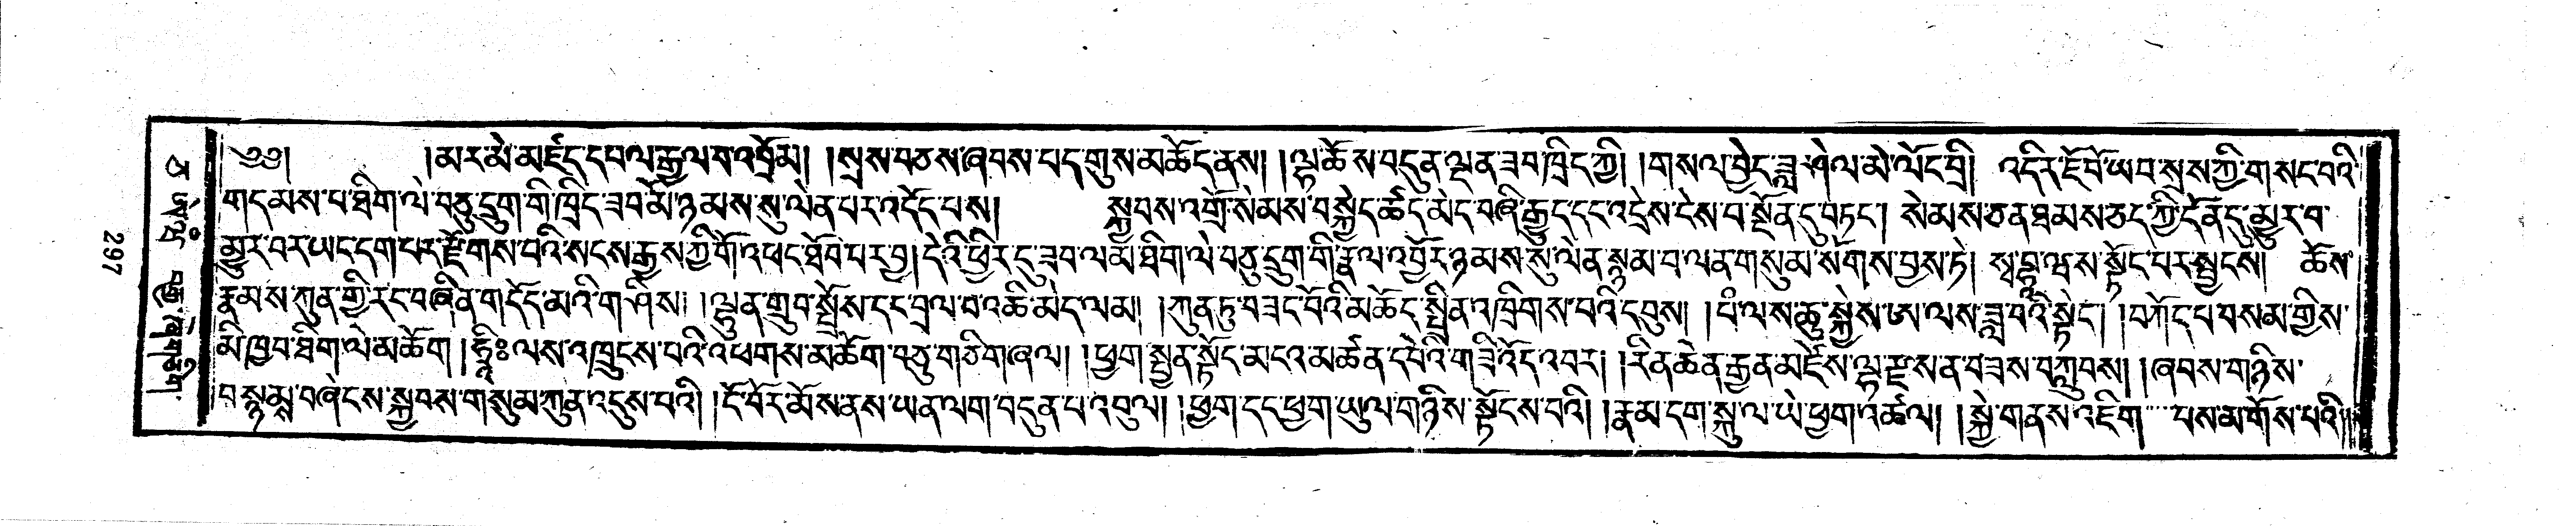༄༅། །མར་མེ་མཛད་དཔལ་རྒྱལ་བ་འབྲོམ། །སྲས་བཅས་ཞབས་པད་གུས་མཆོད་ནས། །ལྷ་ཆོས་བདུན་ལྡན་ཟབ་ཁྲིད་ཀྱི། །གསལ་བྱེད་ཟླ་ཤེལ་མེ་ལོང་བྲི། འདིར་ཇོ་བོ་ཡབ་སྲས་ཀྱི་གསང་བའི་
གདམས་པ་ཐིག་ལེ་བཅུ་དྲུག་གི་ཁྲིད་ཟབ་མོ་ཉམས་སུ་ལེན་པར་འདོད་པས། སྐྱབས་འགྲོ་སེམས་བསྐྱེད་ཚད་མེད་བཞི་རྒྱུད་དང་འདྲེས་ངེས་པ་སྔོན་དུ་བཏང་། སེམས་ཅན་ཐམས་ཅད་ཀྱི་དོན་དུ་མྱུར་བ་
མྱུར་བར་ཡང་དག་པར་རྫོགས་པའི་སངས་རྒྱས་ཀྱི་གོ་འཕང་ཐོབ་པར་བྱ། དེའི་ཕྱིར་དུ་ཟབ་ལམ་ཐིག་ལེ་བཅུ་དྲུག་གི་རྣལ་འབྱོར་ཉམས་སུ་ལེན་སྙམ་པ་ལན་གསུམ་སོགས་བྱས་ཏེ། སྭབྷཱ་ཝས་སྟོང་པར་སྦྱངས། ཆོས་
རྣམས་ཀུན་གྱི་རང་བཞིན་གདོད་མའི་གཤིས། །ལྷུན་གྲུབ་སྤྲོས་དང་བྲལ་བ་འཆི་མེད་ལམ། །ཀུན་ཏུ་བཟང་པོའི་མཆོད་སྤྲིན་འཁྲིགས་པའི་དབུས། །བཾ་ལས་ཆུ་སྐྱེས་ཨ་ལས་ཟླ་བའི་སྟེང་། །བཀོད་པ་བསམ་གྱིས་
མི་ཁྱབ་ཐིག་ལེ་མཆོག །ཧྲཱིཿ ལས་འཁྲུངས་པའི་འཕགས་མཆོག་བཅུ་གཅིག་ཞལ། །ཕྱག་སྤྱན་སྟོང་མངའ་མཚན་དཔེའི་གཟི་འོད་འབར། །རིན་ཆེན་རྒྱན་མཛེས་ལྷ་རྫས་ན་བཟས་བཀླུབས། །ཞབས་གཉིས་
བསྙམས་བཞེངས་སྐྱབས་གསུམ་ཀུན་འདུས་པའི། །ངོ་བོར་མོས་ནས་ཡན་ལག་བདུན་པ་འབུལ། །ཕྱག་དང་ཕྱག་ཡུལ་གཉིས་སྟོངས་པའི། །རྣམ་དག་སྐུ་ལ་ཡེ་ཕྱག་འཚལ། །སྐྱེ་གནས་འཇིག་པས་མ་གོས་པའི།།